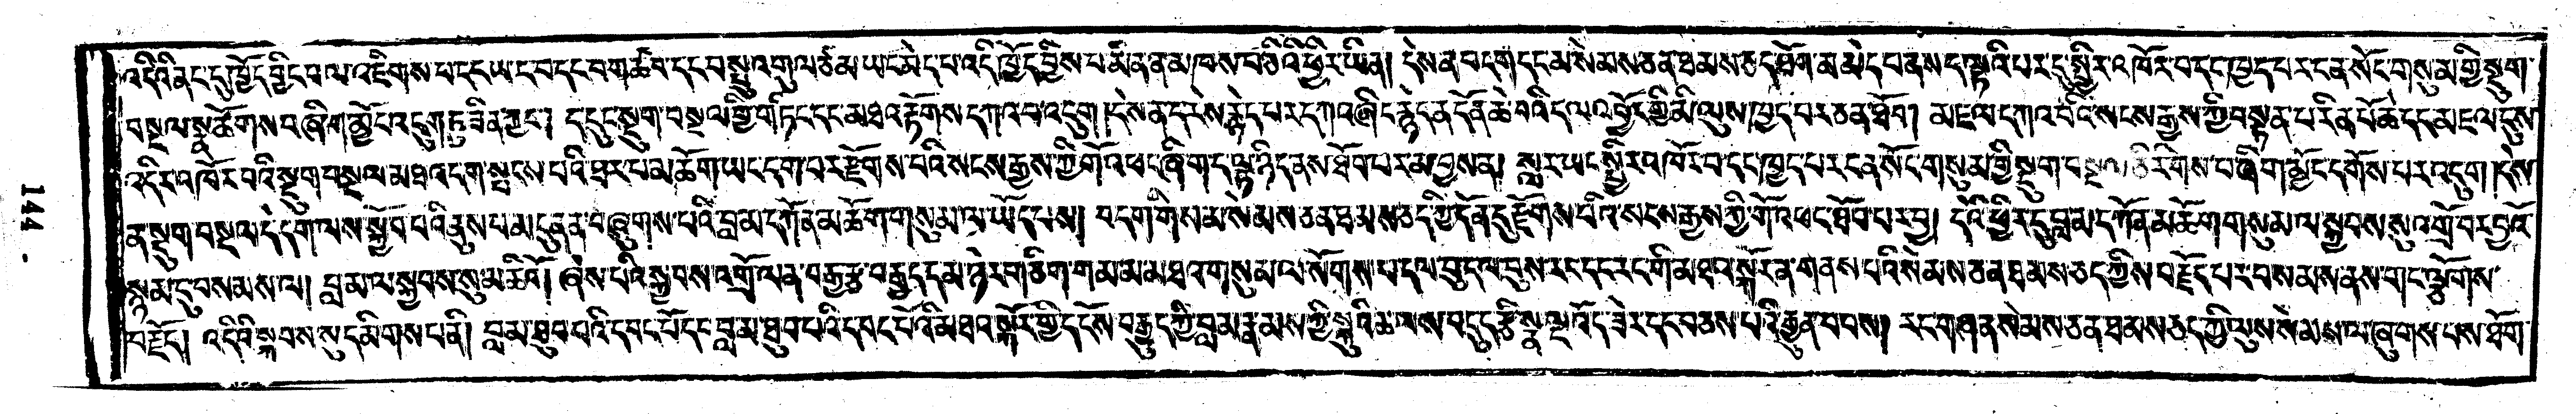འདིའི་ནང་དུ་ཁྱོད་བྱིང་བ་ལ་འཇིགས་པ་དང་ཡ་ང་བ་དང་བག་ཚ་བ་དང་བསྤུ་འགུལ་ཙམ་ཡང་མེད་པ་འདི་ཁྱོད་བྱིས་པ་མིན་ན་མཁས་པ་ཅིའི་ཕྱིར་ཡིན། དེས་ན་བདག་དང་མ་སེམས་ཅན་ཐམས་ཅད་ཐོག་མ་མེད་པ་ནས་ད་ལྟའི་པར་དུ་སྤྱིར་འཁོར་བ་དང་ཁྱད་པར་ངན་སོང་གསུམ་གྱི་སྡུག་
བསྔལ་སྣ་ཚོགས་བ་ཞིག་མྱོང་འདུག་ཏུ་ཟིན་ཀྱང་། ད་དུང་སྡུག་བསྔལ་གྱི་གཏིང་དང་མཐའ་རྟོགས་དཀའ་བ་འདུག །དེས་ན་ད་རེས་རྙེད་པར་དཀའ་ཞིང་རྙེད་ན་དོན་ཆེ་བའི་དལ་འབྱོར་གྱི་མི་ལུས་ཁྱད་པར་ཅན་ཐོབ། མཇལ་དཀའ་བའི་སངས་རྒྱས་ཀྱི་བསྟན་པ་རིན་པོ་ཆེ་དང་མཇལ་དུས་
འདིར་འཁོར་བའི་སྡུག་བསྔལ་མཐའ་དག་སྤངས་པའི་ཐར་པ་མཆོག་ཡང་དག་པར་རྫོགས་པའི་སངས་རྒྱས་ཀྱི་གོ་འཕང་ཞིག་ད་ལྟ་ཉིད་ནས་ཐོབ་པར་མ་བྱས་ན། སླར་ཡང་སྤྱིར་འཁོར་བ་དང་ཁྱད་པར་ངན་སོང་གསུམ་གྱི་སྡུག་བསྔལ་ཅི་རིགས་པ་ཞིག་མྱོང་དགོས་པར་འདུག །དེས་
ན་སྡུག་བསྔལ་དེ་དག་ལས་སྐྱོབ་པའི་ནུས་པ་མདུན་ན་བཞུགས་པའི་བླ་མ་དཀོན་མཆོག་གསུམ་ལ་ཡོད་པས། བདག་གིས་མ་སེམས་ཅན་ཐམས་ཅད་ཀྱི་དོན་དུ་རྫོགས་པའི་སངས་རྒྱས་ཀྱི་གོ་འཕང་ཐོབ་པར་བྱ། དེའི་ཕྱིར་དུ་བླ་མ་དཀོན་མཆོག་གསུམ་ལ་སྐྱབས་སུ་འགྲོ་བར་བྱའོ་
སྙམ་དུ་བསམས་ལ། བླ་མ་ལ་སྐྱབས་སུ་མཆིའོ། །ཞེས་པའི་སྐྱབས་འགྲོ་ལན་བརྒྱ་རྩ་བརྒྱད་དམ་ཉེར་གཅིག་གམ་མ་མཐའ་གསུམ་ལ་སོགས་པ་དལ་བུ་དལ་བུས་རང་དང་རང་གི་མཐའ་སྐོར་ན་གནས་པའི་སེམས་ཅན་ཐམས་ཅད་ཀྱིས་བརྗོད་པར་བསམས་ནས་གང་ལྕོགས་
བརྗོད། འདིའི་སྐབས་སུ་དམིགས་པ་ནི། བླ་མ་ཐུབ་པའི་དབང་པོ་དང་བླ་མ་ཐུབ་པའི་དབང་པོའི་མཐའ་སྐོར་གྱི་དངོས་བརྒྱུད་ཀྱི་བླ་མ་རྣམས་ཀྱི་སྐུའི་ཆ་ལས་བདུད་རྩི་སྔ་ལྔ་འོད་ཟེར་དང་བཅས་པའི་རྒྱུན་བབས། རང་གཞན་སེམས་ཅན་ཐམས་ཅད་ཀྱི་ལུས་སེམས་ལ་ཞུགས་པས་ཐོག་